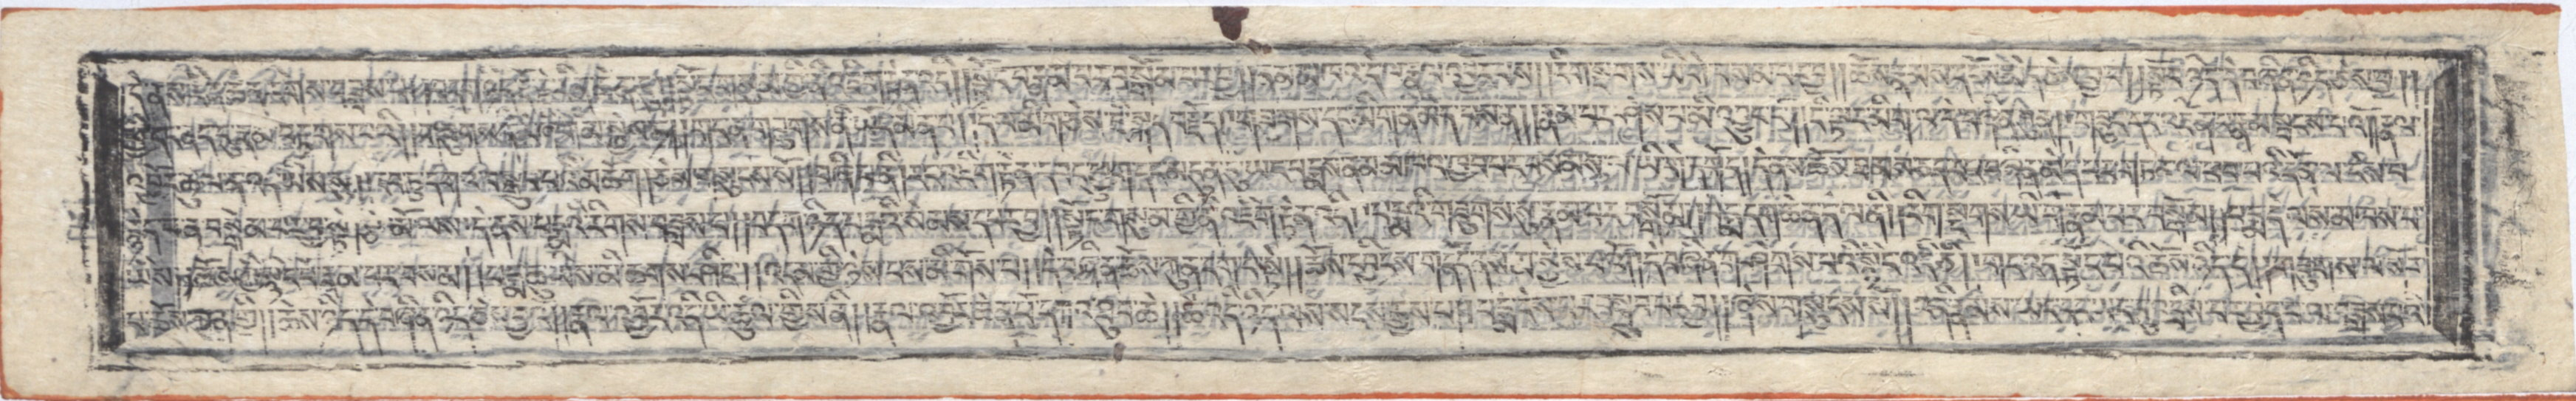དེ་ནས་རིན་ཆེན་རིགས་བཟླས་པ། །བདག་ཉིད་རྡོ་རྗེ་རིན་ཆེན་དུ། །སྟོང་གསུམ་གྱི་ནི་འཇིག་རྟེན་འདི། །སྟོང་པ་རྣམ་པར་བསྒོམ་པར་བྱ། །ནམ་མཁའ་དེ་ལ་རྣལ་འབྱོར་པས། །རིག་སྔགས་ཡི་གེ་བསམ་པར་བྱ། །ཆོས་རྣམས་དངོས་མེད་ཅེས་བྱ་བ། །སྟོང་ཉིད་དེ་བཞིན་ཉིད་ཅེས་བྱ། །
ཕྱི་དང་ནད་དུ་རྣམ་བརྟགས་པའི། །གཟུགས་ནི་རེ་ཞིག་མ་སྐྱེས་ཏེ། །གང་ན་གཟུགས་ནི་ཡོད་མིན་པ། །དེ་ལ་མིག་ཅེས་ཇི་སྐད་བརྗོད། །གཟུགས་དང་མིག་ནི་མེད་པས་ན། །རྣམ་པར་ཤེས་པ་མི་འབྱུང་ངོ། །ཇི་ལྟར་མིག་ལ་དེ་བཞིན་ཀུན། །གཟུང་དང་འཛིན་པ་རྣམ་སྤངས་པའོ། །རྣལ་
འབྱོར་ཚུལ་ནི་འདི་ཡིས་སུ། །རབ་ཏུ་དགའ་བ་སྒྲུབ་པའི་མཆོག །ཅེས་གསུངས་སོ། །བཞི་པ་ནི། རང་འཇིག་རྟེན་དབང་ཕྱུག་དང་མདུན་དུ་ཡང་པདམས་ནམ་མཁའ་ཁྱབ་པར་བསམས་ལ་ཡི་གེ་དགོད། དེ་ནས་ཆོས་ཐམས་ཅད་རང་བཞིན་མེད་པར་གཏན་ལ་ཕབ་པའི་དོན་ལ་ངེས་པ་
རྙེད་པ་ན་བསྒོམ་པར་བྱ་སྟེ། རྩེ་མོ་ལས། དེ་ནས་པདམའི་རིགས་བཟླས་པ། །བདག་ཉིད་པདམའི་སེམས་དཔར་བྱ། །སྟོང་གསུམ་གྱི་ནི་འཇིག་རྟེན་འདི། །པདམའི་གཟུགས་སུ་རྣམ་པར་བསྒོམ། །པདམ་དག་ཆེན་དེ་ལ་ནི། །རིག་སྔགས་ཡི་གེ་རྣམ་པར་བསྒོམ། །པདམ་དེ་ལས་མཁས་པ་
ཡིས༑ ༑ཆོས་ཀྱི་སྙིང་པོ་རྣམ་པར་བསམ། །པདམ་ཆུ་ཡིས་མི་ཆགས་ཤིང་། །འདམ་གྱི་ཉེས་པས་མི་གོས་པ། །དེ་བཞིན་ཆོས་ཀུན་དག་པ་སྟེ། །ཆོས་དབྱིངས་གདོད་ནས་མ་སྐྱེས་པའོ། །དེ་བཞིན་གཤེགས་པའི་སྙིང་འདི་ཅི། །གང་འདི་སྟོང་པའི་ཆོས་ཉིད་དེ། །གཟུགས་ལ་སོར་
པ་ཆོས་ཀུན་གྱི། །ཆོས་ཉིད་དེ་བཞིན་ཉིད་ཅེས་བྱའོ། །རྣལ་འབྱོར་འདི་ཡི་ཚུལ་གྱིས་ནི། །རྣལ་འབྱོར་ཆེན་པོ་དཀའ་ཐུབ་ཆེ། །ཚེ་འདི་ཉིད་ལས་སངས་རྒྱས་པ། །པདམ་ངེས་པར་བསྒྲུབ་པར་བྱ། །ཞེས་གསུངས་སོ། །འདི་རྣམས་ཡང་དང་ཡང་དུ་འདྲིས་པར་བྱེད་པ་ལ་བཟླས་པའི་